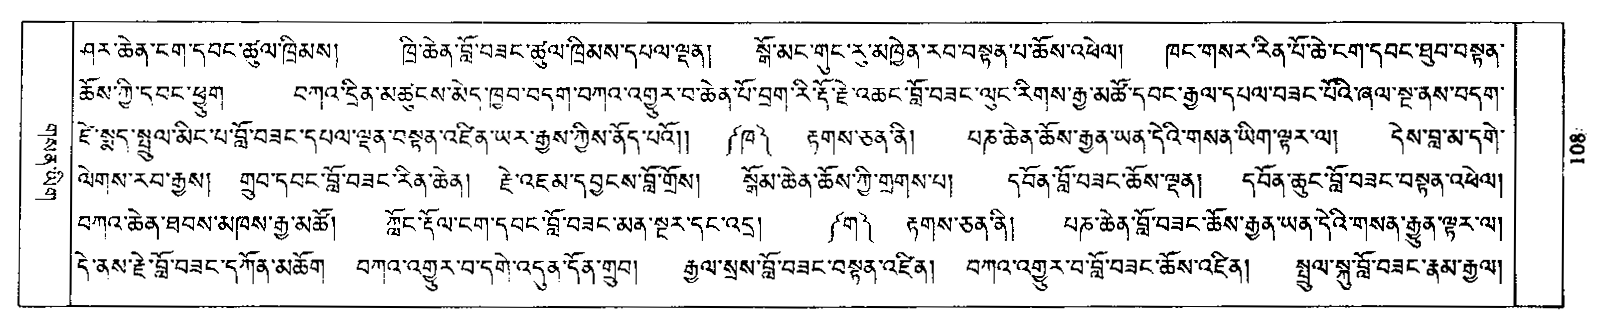ཤར་ཆེན་ངག་དབང་ཚུལ་ཁྲིམས། ཁྲི་ཆེན་བློ་བཟང་ཚུལ་ཁྲིམས་དཔལ་ལྡན། སྒོ་མང་གུང་རུ་མཁྱེན་རབ་བསྟན་པ་ཆོས་འཕེལ། ཁང་གསར་རིན་པོ་ཆེ་ངག་དབང་ཐུབ་བསྟན་
ཆོས་ཀྱི་དབང་ཕྱུག་བཀའ་དྲིན་མཚུངས་མེད་ཁྱབ་བདག་བཀའ་འགྱུར་བ་ཆེན་པོ་བྲག་རི་རྡོ་རྗེ་འཆང་བློ་བཟང་ལུང་རིགས་རྒྱ་མཚོ་དབང་རྒྱལ་དཔལ་བཟང་པོའི་ཞལ་སྔ་ནས་བདག་
ཛེ་སྨད་སྤྲུལ་མིང་པ་བློ་བཟང་དཔལ་ལྡན་བསྟན་འཛིན་ཡར་རྒྱས་ཀྱིས་ནོད་པའོ།། ?ཁ་རྟགས་ཅན་ནི། པཎ་ཆེན་ཆོས་རྒྱན་ཡན་དེའི་གསན་ཡིག་ལྟར་ལ། དེས་བླ་མ་དགེ་
ལེགས་རབ་རྒྱས། གྲུབ་དབང་བློ་བཟང་རིན་ཆེན། རྗེ་འཇམ་དབྱངས་བློ་གྲོས། སྒོམ་ཆེན་ཆོས་ཀྱི་གྲགས་པ། དབོན་བློ་བཟང་ཆོས་ལྡན། དབོན་ཆུང་བློ་བཟང་བསྟན་འཕེལ།
བཀའ་ཆེན་ཐབས་མཁས་རྒྱ་མཚོ། ཀློང་རྡོལ་ངག་དབང་བློ་བཟང་མན་སྔར་དང་འདྲ། ?ག་རྟགས་ཅན་ནི། པཎ་ཆེན་བློ་བཟང་ཆོས་རྒྱན་ཡན་དེའི་གསན་རྒྱུན་ལྟར་ལ།
དེ་ནས་རྗེ་བློ་བཟང་དཀོན་མཆོག་བཀའ་འགྱུར་བ་དགེ་འདུན་དོན་གྲུབ། རྒྱལ་སྲས་བློ་བཟང་བསྟན་འཛིན། བཀའ་འགྱུར་བ་བློ་བཟང་ཆོས་འཛིན། སྤྲུལ་སྐུ་བློ་བཟང་རྣམ་རྒྱལ།